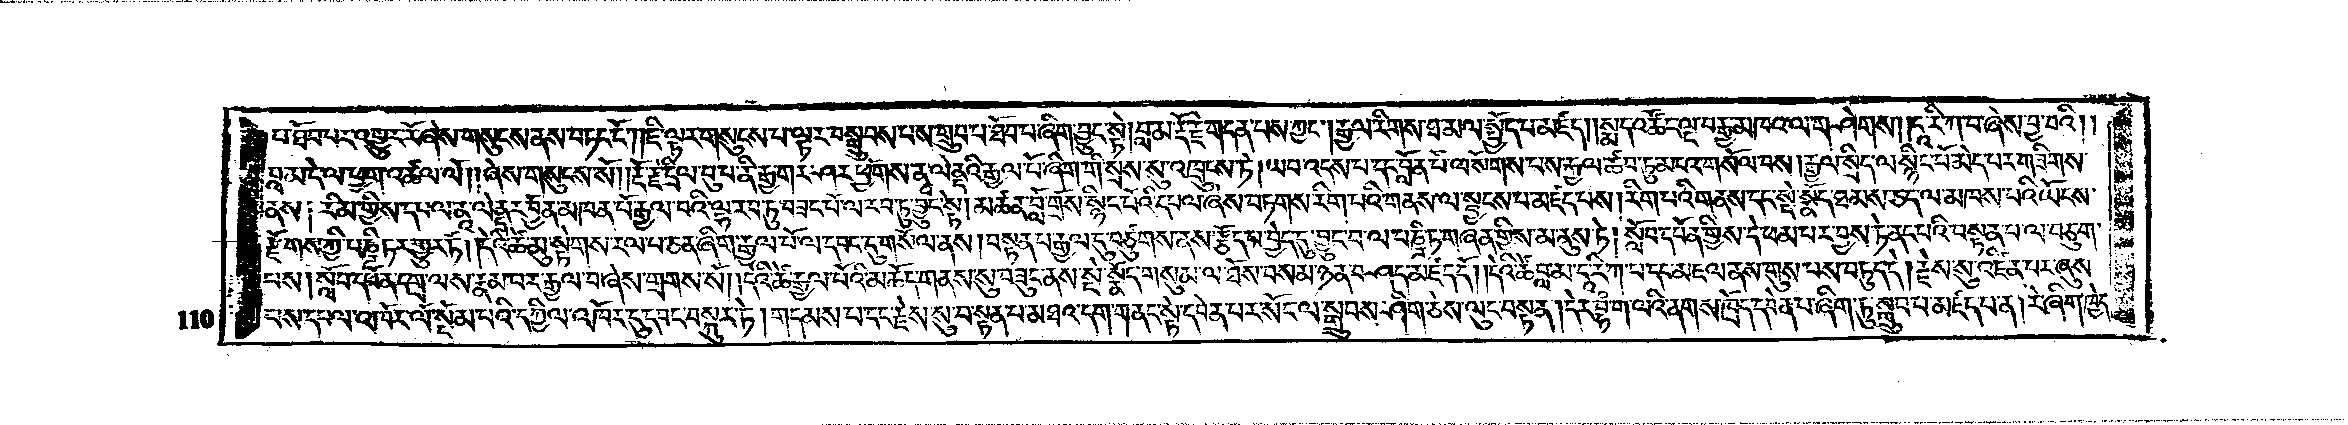པ་ཐོབ་པར་འགྱུར་རོ་ཞེས་གསུངས་ནས་བཏང་ངོ། །ཇི་ལྟར་གསུངས་པ་ལྟར་བསྒྲུབས་པས་གྲུབ་པ་ཐོབ་པ་ཞིག་བྱུང་སྟེ། བླ་མ་རྡོ་རྗེ་གདན་པས་ཀྱང་། རྒྱལ་རིགས་ཐ་མལ་སྤྱོད་པ་མཛད། །སྨད་འཚོང་ལྔ་བརྒྱ་མཁའ་ལ་གཤེགས། །དཱ་རི་ཀ་བ་ཞེས་བྱ་བའི། །
བླ་མ་དེ་ལ་ཕྱག་འཚལ་ལོ། །ཞེས་གསུངས་སོ། །རྡོ་རྗེ་དྲིལ་བུ་པ་ནི་རྒྱ་གར་ཤར་ཕྱོགས་ནཱ་ལེནྡའི་རྒྱལ་པོ་ཞིག་གི་སྲས་སུ་འཁྲུངས་ཏེ། ཡབ་འདས་པ་དང་བློན་པོ་ལ་སོགས་པས་རྒྱལ་ཚབ་ཏུ་མངའ་གསོལ་བས། རྒྱལ་སྲིད་ལ་སྙིང་པོ་མེད་པར་གཟིགས་
ནས། རིམ་གྱིས་དཔལ་ནཱ་ལེནྡྲར་བྱེན་མཁན་པོ་རྒྱལ་བའི་ལྷ་རབ་ཏུ་བཟང་པོ་ལ་རབ་ཏུ་བྱུང་སྟེ། མཚན་བློ་གྲོས་སྙིང་པོའི་དཔལ་ཞེས་བཏགས་རིག་པའི་གནས་ལ་སྦྱངས་པ་མཛད་པས། རིག་པའི་གནས་དང་སྡེ་སྣོད་ཐམས་ཅད་ལ་མཁས་པའི་ཡོངས་
རྫོགས་ཀྱི་པཎྜི་ཏར་གྱུར་ཏོ། །དེའི་ཚེ་མུ་སྟེགས་རལ་པ་ཅན་ཞིག་རྒྱལ་པོ་ལ་དབང་དུ་གསོལ་ནས། བསྟན་པ་རྒྱལ་དུ་བཙུགས་ནས་རྩོད་པ་བྱེད་དུ་བྱུང་བ་ལ་པཎྜི་ཏ་གཞན་གྱིས་མ་ནུས་ཏེ། སློབ་དཔོན་གྱིས་དེ་ཕམ་པར་བྱས་ཏེ་ནང་པའི་བསྟན་པ་ལ་བཅུག་
པས། སློབ་དཔོན་དགྲ་ལས་རྣམ་པར་རྒྱལ་བ་ཞེས་གྲགས་སོ། །དེའི་ཚེ་རྒྱལ་པོའི་མཆོད་གནས་སུ་བཟུང་ནས་སྡེ་སྣོད་གསུམ་ལ་ཐོས་བསམ་ཉན་བཤད་མཛད་དོ། །དེའི་ཚེ་བླ་མ་དཱ་རི་ཀ་པ་དང་མཇལ་ནས་གུས་པས་བཏུད་དེ། རྗེས་སུ་འཛིན་པར་ཞུས་
པས་དཔལ་འཁོར་ལོ་སྡོམ་པའི་དཀྱིལ་འཁོར་དུ་དབང་བསྐུར་ཏེ། གདམས་པ་དང་རྗེས་སུ་བསྟན་པ་མཐའ་དག་གནང་སྟེ་དབེན་པར་སོང་ལ་སྒྲུབས་ཤིག་ཅེས་ལུང་བསྟན། དེར་བྷཾ་ག་ལའི་ནགས་ཁྲོད་དབེན་པ་ཞིག་ཏུ་སྒྲུབ་པ་མཛད་པ་ན། རེ་ཞིག་ཁྱེད་